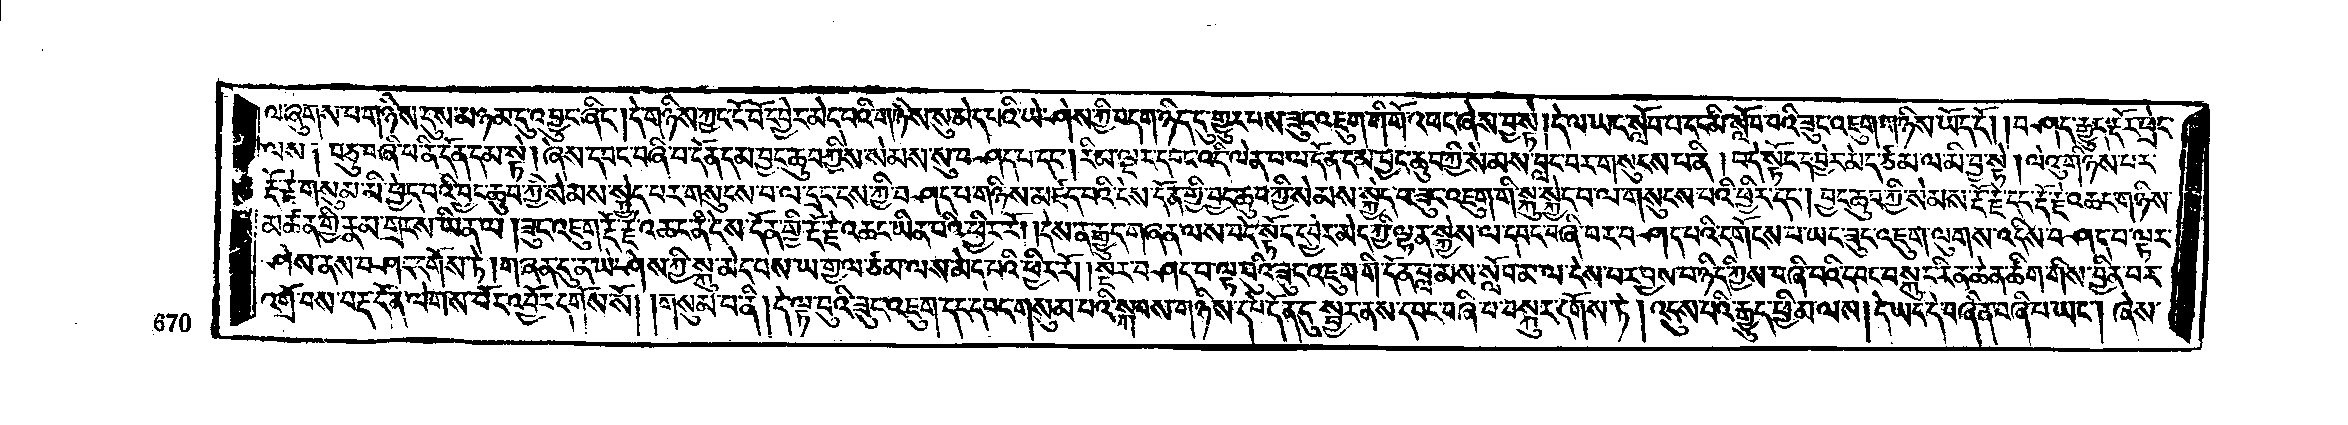ལ་ཞུགས་པ་གཉིས་དུས་མཉམ་དུ་འབྱུང་ཞིང་། དེ་གཉིས་ཀྱང་ངོ་བོ་དབྱེར་མེད་པའི་གཉིས་སུ་མེད་པའི་ཡེ་ཤེས་ཀྱི་བདག་ཉིད་དུ་གྱུར་པས་ཟུང་འཇུག་གི་གོ་འཕང་ཞེས་བྱ་སྟེ། དེ་ལ་ཡང་སློབ་པ་དང་མི་སློབ་པའི་ཟུང་འཇུག་གཉིས་ཡོད་དོ། །བཤད་རྒྱུད་རྡོར་ཕྲེང་
ལས། བཅུ་བཞི་པ་ནི་དོན་དམ་སྟེ། ཞེས་དབང་བཞི་པ་དོན་དམ་བྱང་ཆུབ་ཀྱིས་སེམས་སུ་བཤད་པ་དང་། རིམ་ལྔར་དབང་འདི་ལེན་པ་ལ་དོན་དམ་བྱང་ཆུབ་ཀྱི་སེམས་བླང་བར་གསུངས་པ་ནི། བདེ་སྟོང་དབྱེར་མེད་ཙམ་ལ་མི་བྱ་སྟེ། ལེའུ་གཉིས་པར་
རྡོ་རྗེ་གསུམ་མི་ཕྱེད་པའི་བྱང་ཆུབ་ཀྱི་སེམས་སྐྱེད་པར་གསུངས་པ་ལ་དྲང་ངེས་ཀྱི་བཤད་པ་གཉིས་མཛད་པའི་ངེས་དོན་གྱི་བྱང་ཆུབ་ཀྱི་སེམས་སྐྱེད་པ་ཟུང་འཇུག་གི་སྐུ་སྐྱེད་པ་ལ་གསུངས་པའི་ཕྱིར་དང་། བྱང་ཆུབ་ཀྱི་སེམས་རྡོ་རྗེ་དང་རྡོ་རྗེ་འཆང་གཉིས་
མཚན་གྱི་རྣམ་གྲངས་ཡིན་ལ། ཟུང་འཇུག་རྡོ་རྗེ་འཆང་ནི་ངེས་དོན་གྱི་རྡོ་རྗེ་འཆང་ཡིན་པའི་ཕྱིར་རོ། །དེས་ན་རྒྱུད་གཞན་ལས་བདེ་སྟོང་དབྱེར་མེད་ཀྱི་ལྷན་སྐྱེས་ལ་དབང་བཞི་བར་བཤད་པའི་དགོངས་པ་ཡང་ཟུང་འཇུག་ལུགས་འདིས་བཤད་པ་ལྟར་
ཤེས་ནས་བཤད་དགོས་ཏེ། གཞན་དུ་ན་ཡེ་ཤེས་ཀྱི་སྐུ་མེད་པས་ཡ་གྱལ་ཙམ་ལས་མེད་པའི་ཕྱིར་རོ། །སྔར་བཤད་པ་ལྟ་བུའི་ཟུང་འཇུག་གི་དོན་བླ་མས་སློབ་མ་ལ་ངེས་པར་བྱས་པ་ཉིད་ཀྱིས་བཞི་པའི་དབང་བསྐུར་རིན་ཆེན་ཚིག་གིས་བྱིན་པར་
འགྲོ་བས་བརྡ་དོན་ལེགས་པོར་འབྱོར་དགོས་སོ། །གསུམ་པ་ནི། དེ་ལྟ་བུའི་ཟུང་འཇུག་དང་དབང་གསུམ་པའི་སྐབས་གཉིས་དཔེ་དོན་དུ་སྦྱར་ནས་དབང་བཞི་པ་བསྐུར་དགོས་ཏེ། འདུས་པའི་རྒྱུད་ཕྱི་མ་ལས། དེ་དྱང་དེ་བཞིན་བཞི་པ་ཡང་། ཞེས་